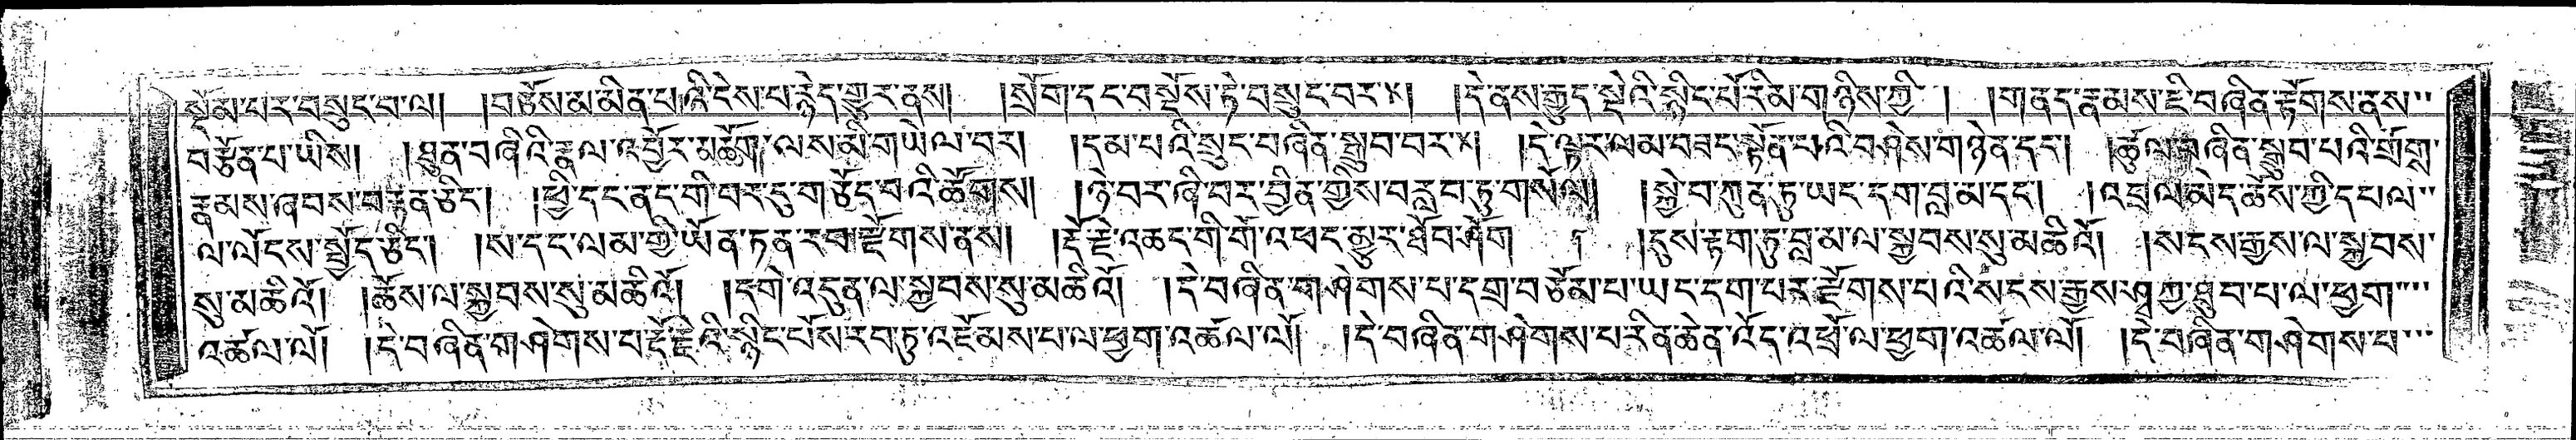སྡོམ་པར་བསྲུང་བ་ལ། །བཅོས་མ་མིན་པའི་ངེས་པ་རྙེད་གྱུར་ནས། །སྲོག་དང་བསྡོས་ཏེ་བསྲུང་བར་{྾}། །དེ་ནས་རྒྱུད་སྡེའི་སྙིང་པོ་རིམ་གཉིས་ཀྱི། །གནད་རྣམས་ཇི་བཞིན་རྟོགས་ནས་
བརྩོན་པ་ཡིས། །ཐུན་བཞིའི་རྣལ་འབྱོར་མཆོག་ལས་མི་གཡེལ་བར། །དམ་པའི་སྲུང་བཞིན་སྒྲུབ་པར་{྾}། །དེ་ལྟར་ལམ་བཟང་སྟོན་པའི་བཤེས་གཉེན་དང་། །ཚུལ་བཞིན་སྒྲུབ་པའི་གྲོགས་
རྣམས་ཞབས་བརྟན་ཅིང་། །ཕྱི་དང་ནང་གི་བར་དུ་གཅོད་པའི་ཚོགས། །ཉེ་བར་ཞི་བར་བྱིན་གྱིས་བརླབ་ཏུ་གསོལ། །སྐྱེ་བ་ཀུན་ཏུ་ཡང་དག་བླ་མ་དང་། །འབྲལ་མེད་ཆོས་ཀྱི་དཔལ་
ལ་ལོངས་སྤྱོད་ཅིང་། །ས་དང་ལམ་གྱི་ཡོན་ཏན་རབ་རྫོགས་ནས། །རྡོ་རྗེ་འཆང་གི་གོ་འཕང་མྱུར་ཐོབ་ཤོག ༈ །དུས་རྟག་ཏུ་བླ་མ་ལ་སྐྱབས་སུ་མཆིའོ། །སངས་རྒྱས་ལ་སྐྱབས་
སུ་མཆིའོ། །ཆོས་ལ་སྐྱབས་སུ་མཆིའོ། །དགེ་འདུན་ལ་སྐྱབས་སུ་མཆིའོ། །དེ་བཞིན་གཤེགས་པ་དགྲ་བཅོམ་པ་ཡང་དག་པར་རྫོགས་པའི་སངས་རྒྱས་ཤྭཀྱ་ཐུབ་པ་ལ་ཕྱག་
འཚལ་ལོ། །དེ་བཞིན་གཤེགས་པ་རྡོ་རྗེའི་སྙིང་པོས་རབ་ཏུ་འཇོམས་པ་ལ་ཕྱག་འཚལ་ལོ། །དེ་བཞིན་གཤེགས་པ་རིན་ཆེན་འོད་འཕྲོ་ལ་ཕྱག་འཚལ་ལོ། །དེ་བཞིན་གཤེགས་པ་